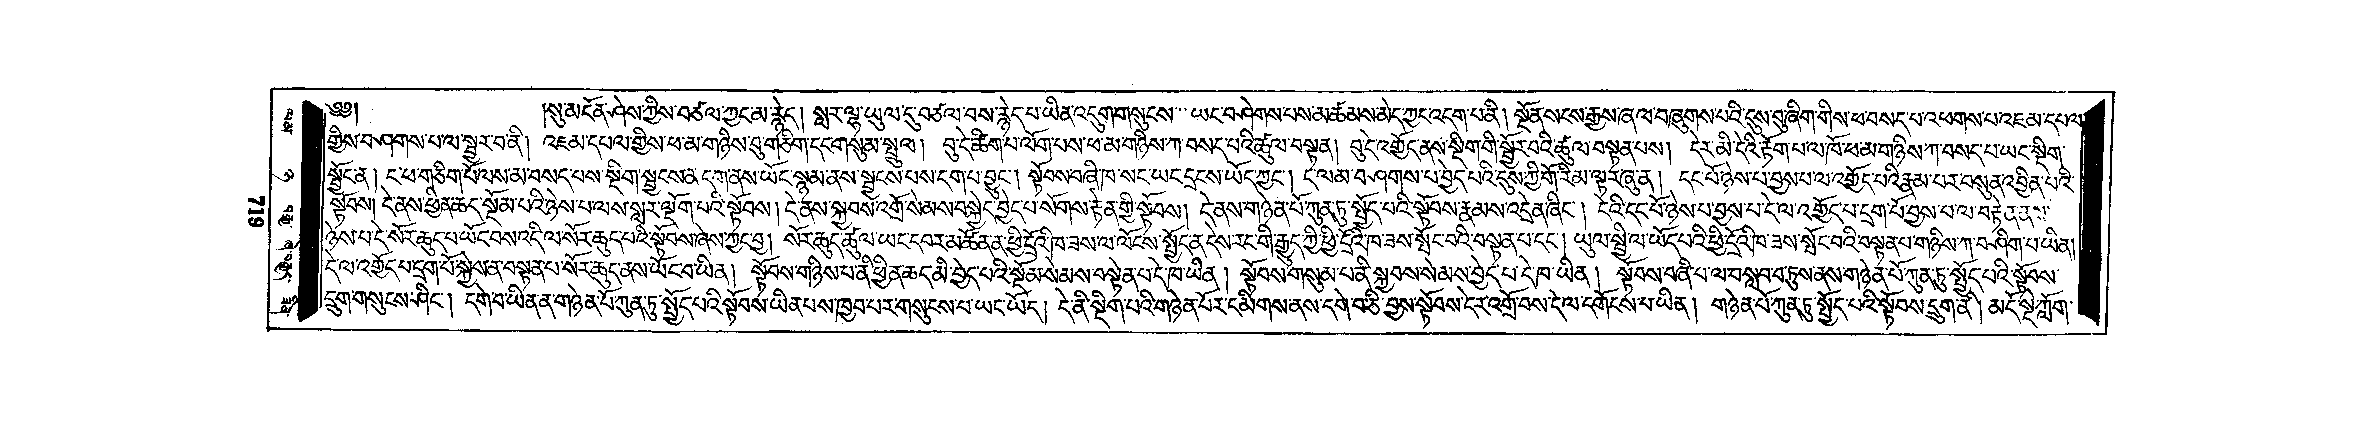༄༅། །སུ་མངོན་ཤེས་ཀྱིས་བཙལ་ཀྱང་མ་རྙེད། སླར་ལྷ་ཡུལ་དུ་བཙལ་བས་རྙེད་པ་ཡིན་འདུག་གསུངས་ཡང་བཤེགས་པས་མཚམས་མེད་ཀྱང་འདག་པ་ནི། སྔོན་སངས་རྒྱས་ཞལ་བཞུགས་པའི་དུས་བུ་ཞིག་གིས་ཕ་བསད་པ་འཕགས་པ་འཇམ་དཔལ་
གྱིས་བཤགས་པ་ལ་སྦྱར་བ་ནི། འཇམ་དཔལ་གྱིས་ཕ་མ་གཉིས་བུ་གཅིག་དང་གསུམ་སྤྲུལ། བུ་དེ་ཚིག་པ་ལོག་པས་ཕ་མ་གཉིས་ཀ་བསད་པའི་ཚུལ་བསྟན། བུ་དེ་འགྱོད་ནས་སྡིག་གི་སྦྱོར་བའི་ཚུལ་བསྟན་པས། དེར་མི་དེའི་རྟོག་པ་ལ་ཁོ་ཕ་མ་གཉིས་ཀ་བསད་པ་ཡང་སྡིག་
སྦྱོང་ན། ང་ཕ་གཅིག་པོ་ལས་མ་བསད་པས་སྡིག་སྦྱངས་ན་དག་ནས་ཡོང་སྙམ་ནས་སྦྱངས་པས་དག་པ་བྱུང་། སྟོབས་བཞི་ཁ་སང་ཡང་དྲངས་ཡོད་ཀྱང་། ད་ལམ་བཤགས་པ་བྱེད་པའི་དུས་ཀྱི་གོ་རིམ་ལྟར་ཞུ་ན། དང་པོ་ཉེས་པ་བྱས་པ་ལ་འགྱོད་པའི་རྣམ་པར་བསུན་འབྱིན་པའི་
སྟོབས། དེ་ནས་ཕྱིན་ཆད་སྡོམ་པའི་ཉེས་པ་ལས་སླར་ལྡོག་པའི་སྟོབས། དེ་ནས་སྐྱབས་འགྲོ་སེམས་བསྐྱེད་བྱེད་པ་སོགས་རྟེན་གྱི་སྟོབས། དེ་ནས་གཉེན་པོ་ཀུན་ཏུ་སྤྱོད་པའི་སྟོབས་རྣམས་འདྲེན་ཞིང་། དེའི་དང་པོ་ཉེས་པ་བྱས་པ་དེ་ལ་འགྱོད་པ་དྲག་པོ་བྱས་པ་ལ་བརྟེན་ནས་
ཉེས་པ་དེ་སོར་ཆུད་པ་ཡོང་བས་འདི་ལ་སོར་ཆུད་པའི་སྟོབས་ཞེས་ཀྱང་བྱ། སོར་ཆུད་ཚུལ་ཡང་དབར་མཚོན་ན་ཕྱི་དྲོའི་ཁ་ཟས་ལ་ལོངས་སྤྱོད་ན་དེས་རང་གི་རྒྱུད་ཀྱི་ཕྱི་དྲོའི་ཁ་ཟས་སྤོང་བའི་བསྟན་པ་དང་། ཡུལ་སྤྱི་ལ་ཡོད་པའི་ཕྱི་དྲོའི་ཁ་ཟས་སྤོང་བའི་བསྟན་པ་གཉིས་ཀ་བཤིག་པ་ཡིན།
དེ་ལ་འགྱོད་པ་དྲག་པོ་སྐྱེས་ན་བསྟན་པ་སོར་ཆུད་ནས་ཡོང་བ་ཡིན། སྟོབས་གཉིས་པ་ནི་ཕྱིན་ཆད་མི་བྱེད་པའི་སྡོམ་སེམས་བསྟེན་པ་དེ་ཁ་ཡིན། སྟོབས་གསུམ་པ་ནི་སྐྱབས་སེམས་བྱེད་པ་དེ་ཁ་ཡིན། སྟོབས་བཞི་པ་ལ་བསླབ་བཏུས་ནས་གཉེན་པོ་ཀུན་ཏུ་སྤྱོད་པའི་སྟོབས་
དྲུག་གསུངས་ཤིང་། དགེ་བ་ཡིན་ན་གཉེན་པོ་ཀུན་ཏུ་སྤྱོད་པའི་སྟོབས་ཡིན་པས་ཁྱབ་པར་གསུངས་པ་ཡང་ཡོད། དེ་ནི་སྡིག་པའི་གཉེན་པོར་དམིགས་ནས་དགེ་བ་ཅི་བྱས་སྟོབས་དེར་འགྲོ་བས་དེ་ལ་དགོངས་པ་ཡིན། གཉེན་པོ་ཀུན་ཏུ་སྤྱོད་པའི་སྟོབས་དྲུག་ནི། མདོ་སྡེ་ཀློག་